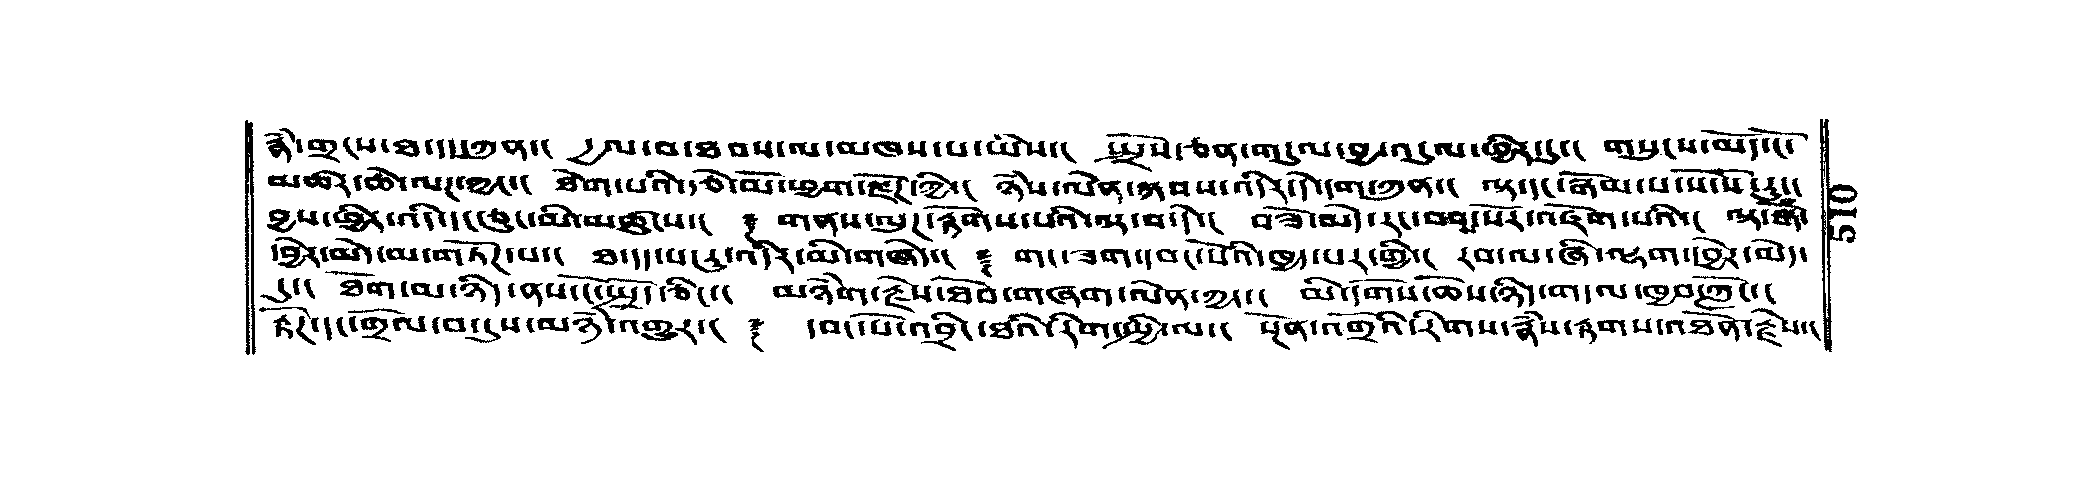རྣམ་གྲངས་ཐ་དད་ཀུན། །རྒྱལ་བ་ཐབས་ལ་མཁས་པ་ཡིས། །སྤྲོས་ཅན་གདུལ་བྱ་འདུལ་ཕྱིར་དུ། །གསུངས་མོད་ངོ་
མཚར་ཆེ་ལགས་ཀྱང་། །ཐེག་པའི་རྩེ་མོ་ཕྱག་རྫོགས་ཀྱི། །ཉམས་ལེན་སྐབས་འདིར་དེ་དག་ཀུན། །ལྟ་དང་སྒོམ་པ་སོ་སོ་རུ། །
བྱས་ཕྱིར་འདི་དང་ཅུང་མི་མཚུངས།༈ གནས་ལུགས་རྟོགས་པའི་ལྟ་བ་དེ། །བཟོ་མེད་རང་བབས་སོར་འཇོག་པའི། །ལྟ་སྒོམ་
དབྱེར་མེད་མ་གཏོགས་པ། །ཐ་དད་པ་རུ་འདིར་མི་བཞེད། ༈ གང་ཟག་དབང་པོའི་ཁྱད་པར་གྱི། །རབ་ལ་ཞི་ལྷག་དབྱེར་མེད་
དུ། །ཐོག་མ་ཉིད་ནས་ངོ་སྤྲོད་ཅིང་། མཉམ་བཞག་རྗེས་ཐོབ་གཞག་ལེན་ཀྱང་། །མི་དགོས་ཆོས་ཉིད་གདལ་ཁྱབ་ཀློང་། །
རྟོགས་དང་གྲོལ་བ་དུས་མཉམ་འགྱུར། ༈ དབང་པོ་འབྲིང་ཐའི་རིགས་སྤྱི་ལ། །སྔོན་འགྲོའི་རིགས་རྣམས་རྟགས་འཐོན་རྗེས།